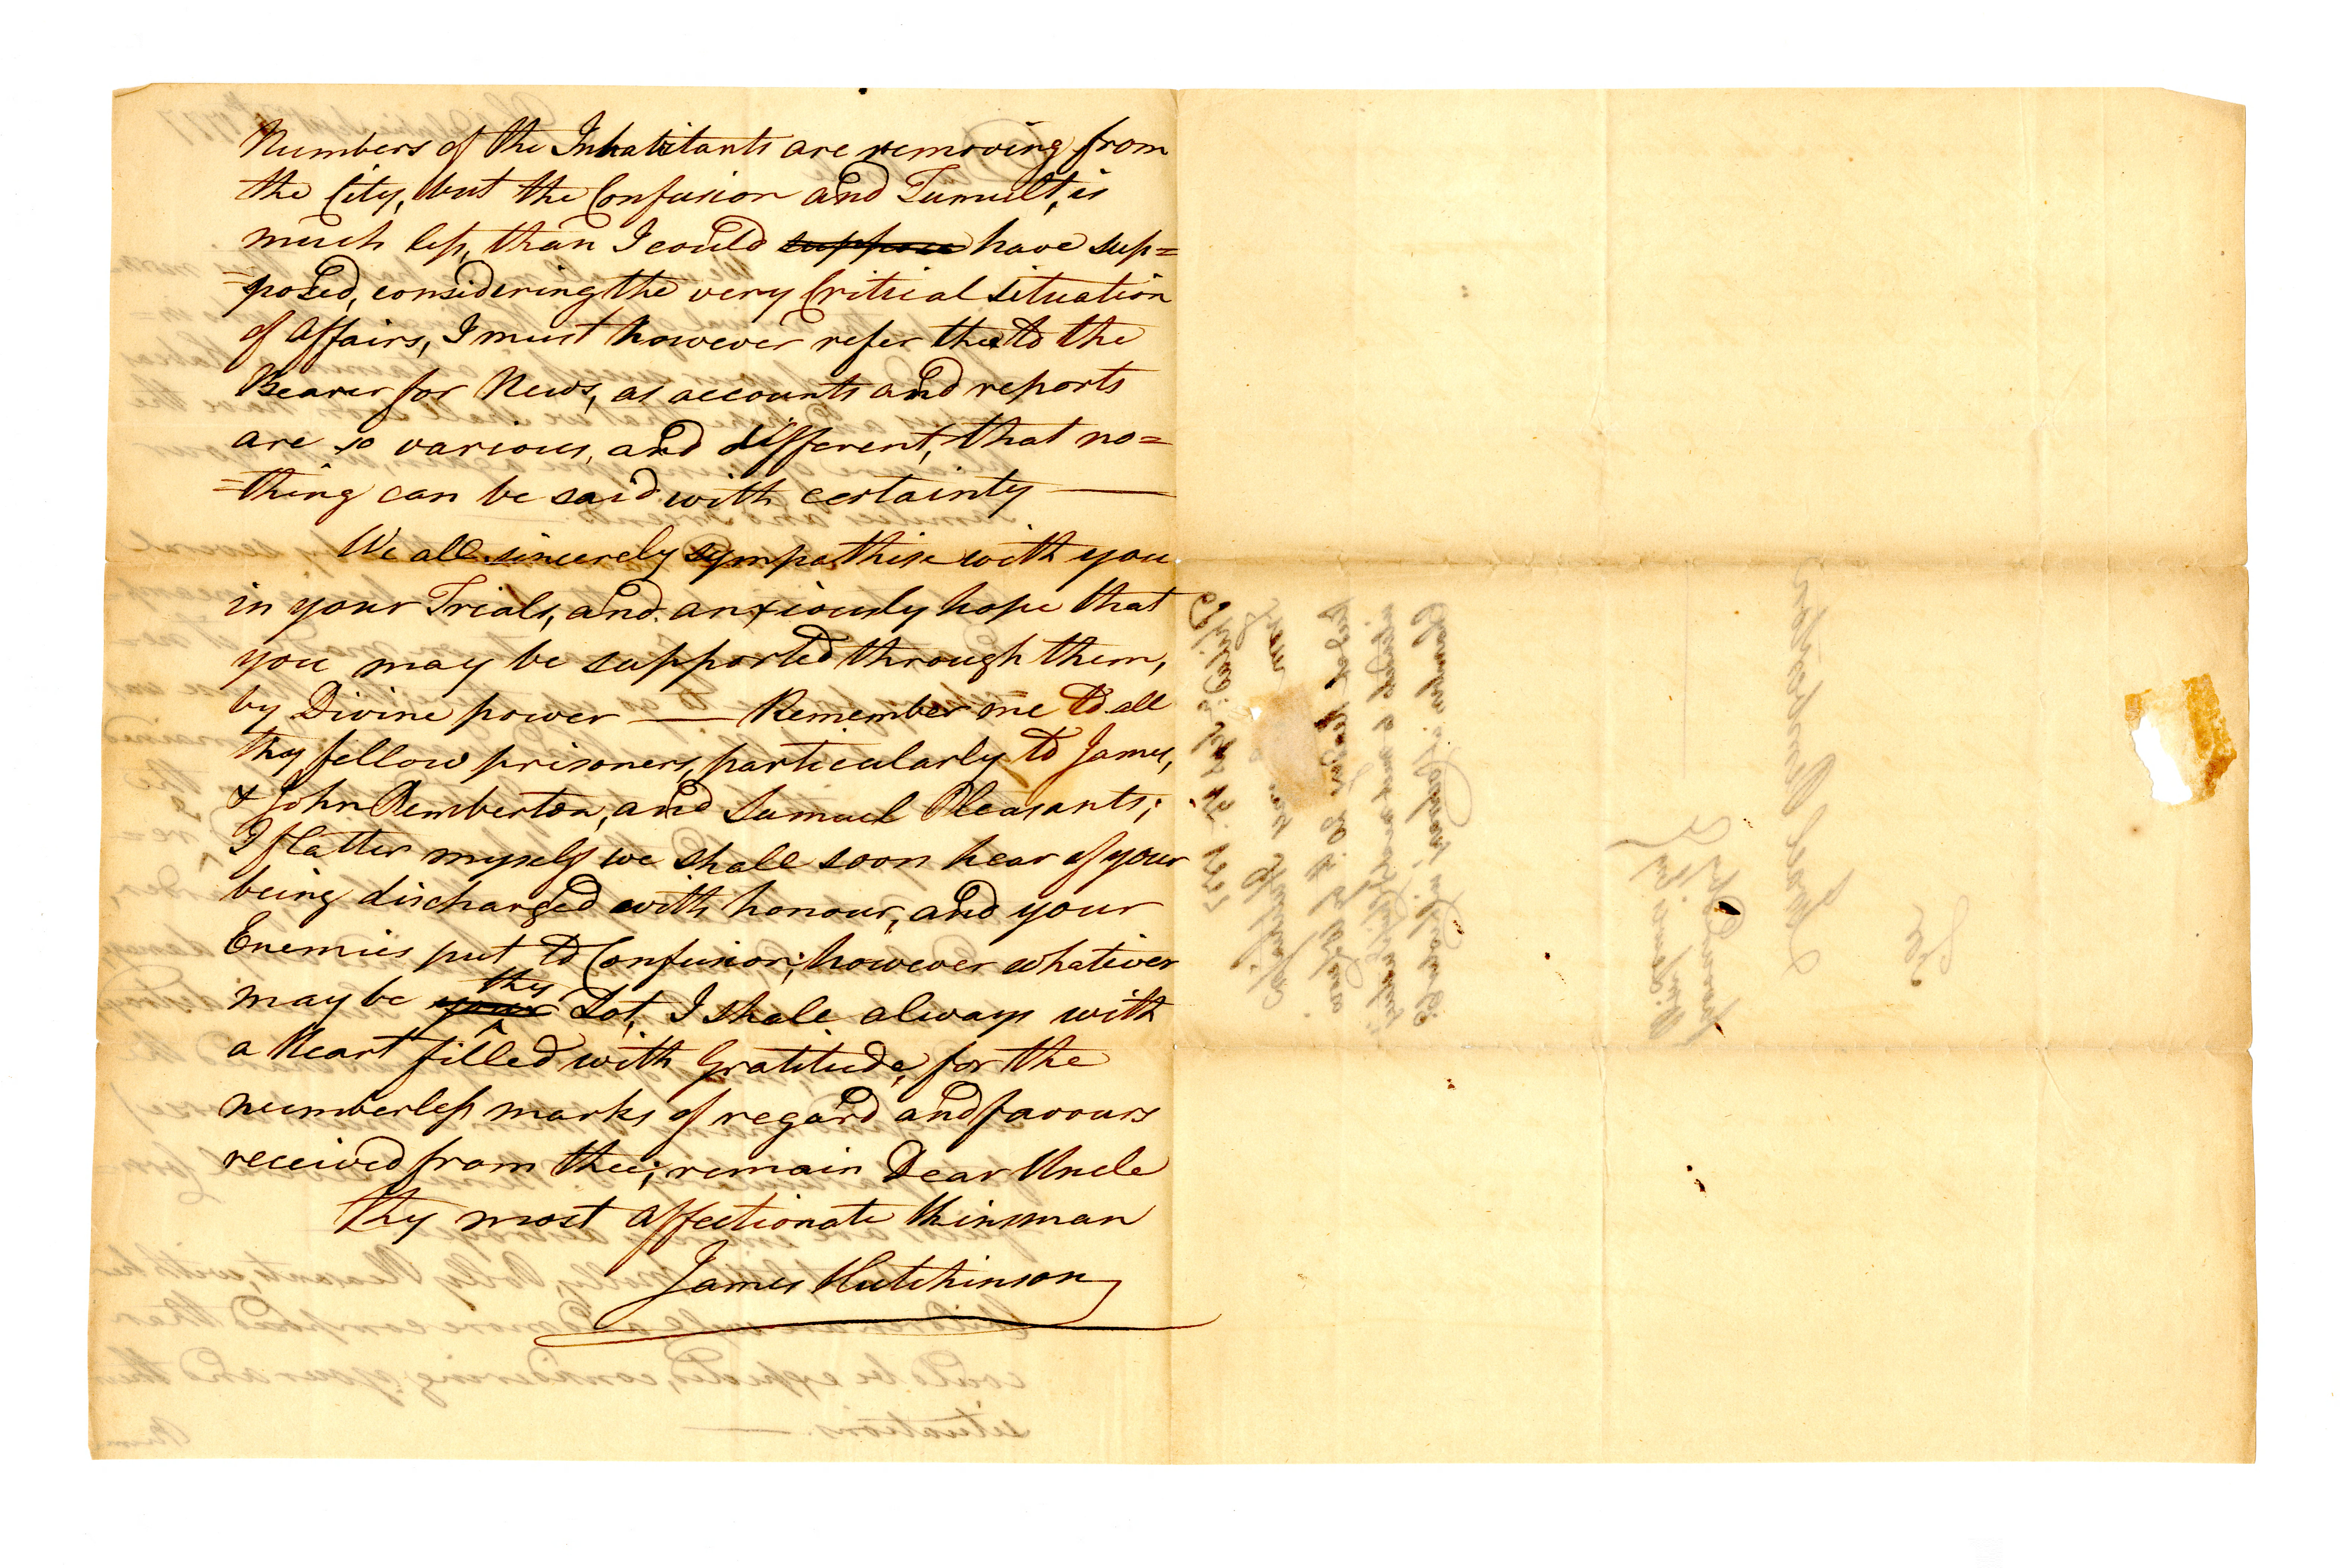Numbers of the Inhabitants are removing from
the City, but the Confusion and Tumult is
much less, than I could [suppose] have sup-
-posed, considering the very Critical situation
of Affairs, I must however refer thee to the
Bearer for News, as accounts and reports
are so various, and different, that no-
-thing can be said with certainty-
We all sincerely sympathise with you
in your Trials, and anxiously hope that
you may be supported through them,
by Divine power- Remember me to all
thy fellow prisoners, particularly to James,
& John Pemberton, and Samuel Pleasants;
I flatter myself we shall soon hear of your
being discharged with honour, and your
Enemies put to Confusion; however whatever
thy
may be ^ [your] Lot, I shall always with
a Heart filled with Gratitude for the
numberless marks of regard and favours
received from thee; remain Dear Uncle
thy most affectionate Kinsman
James Hutchinson